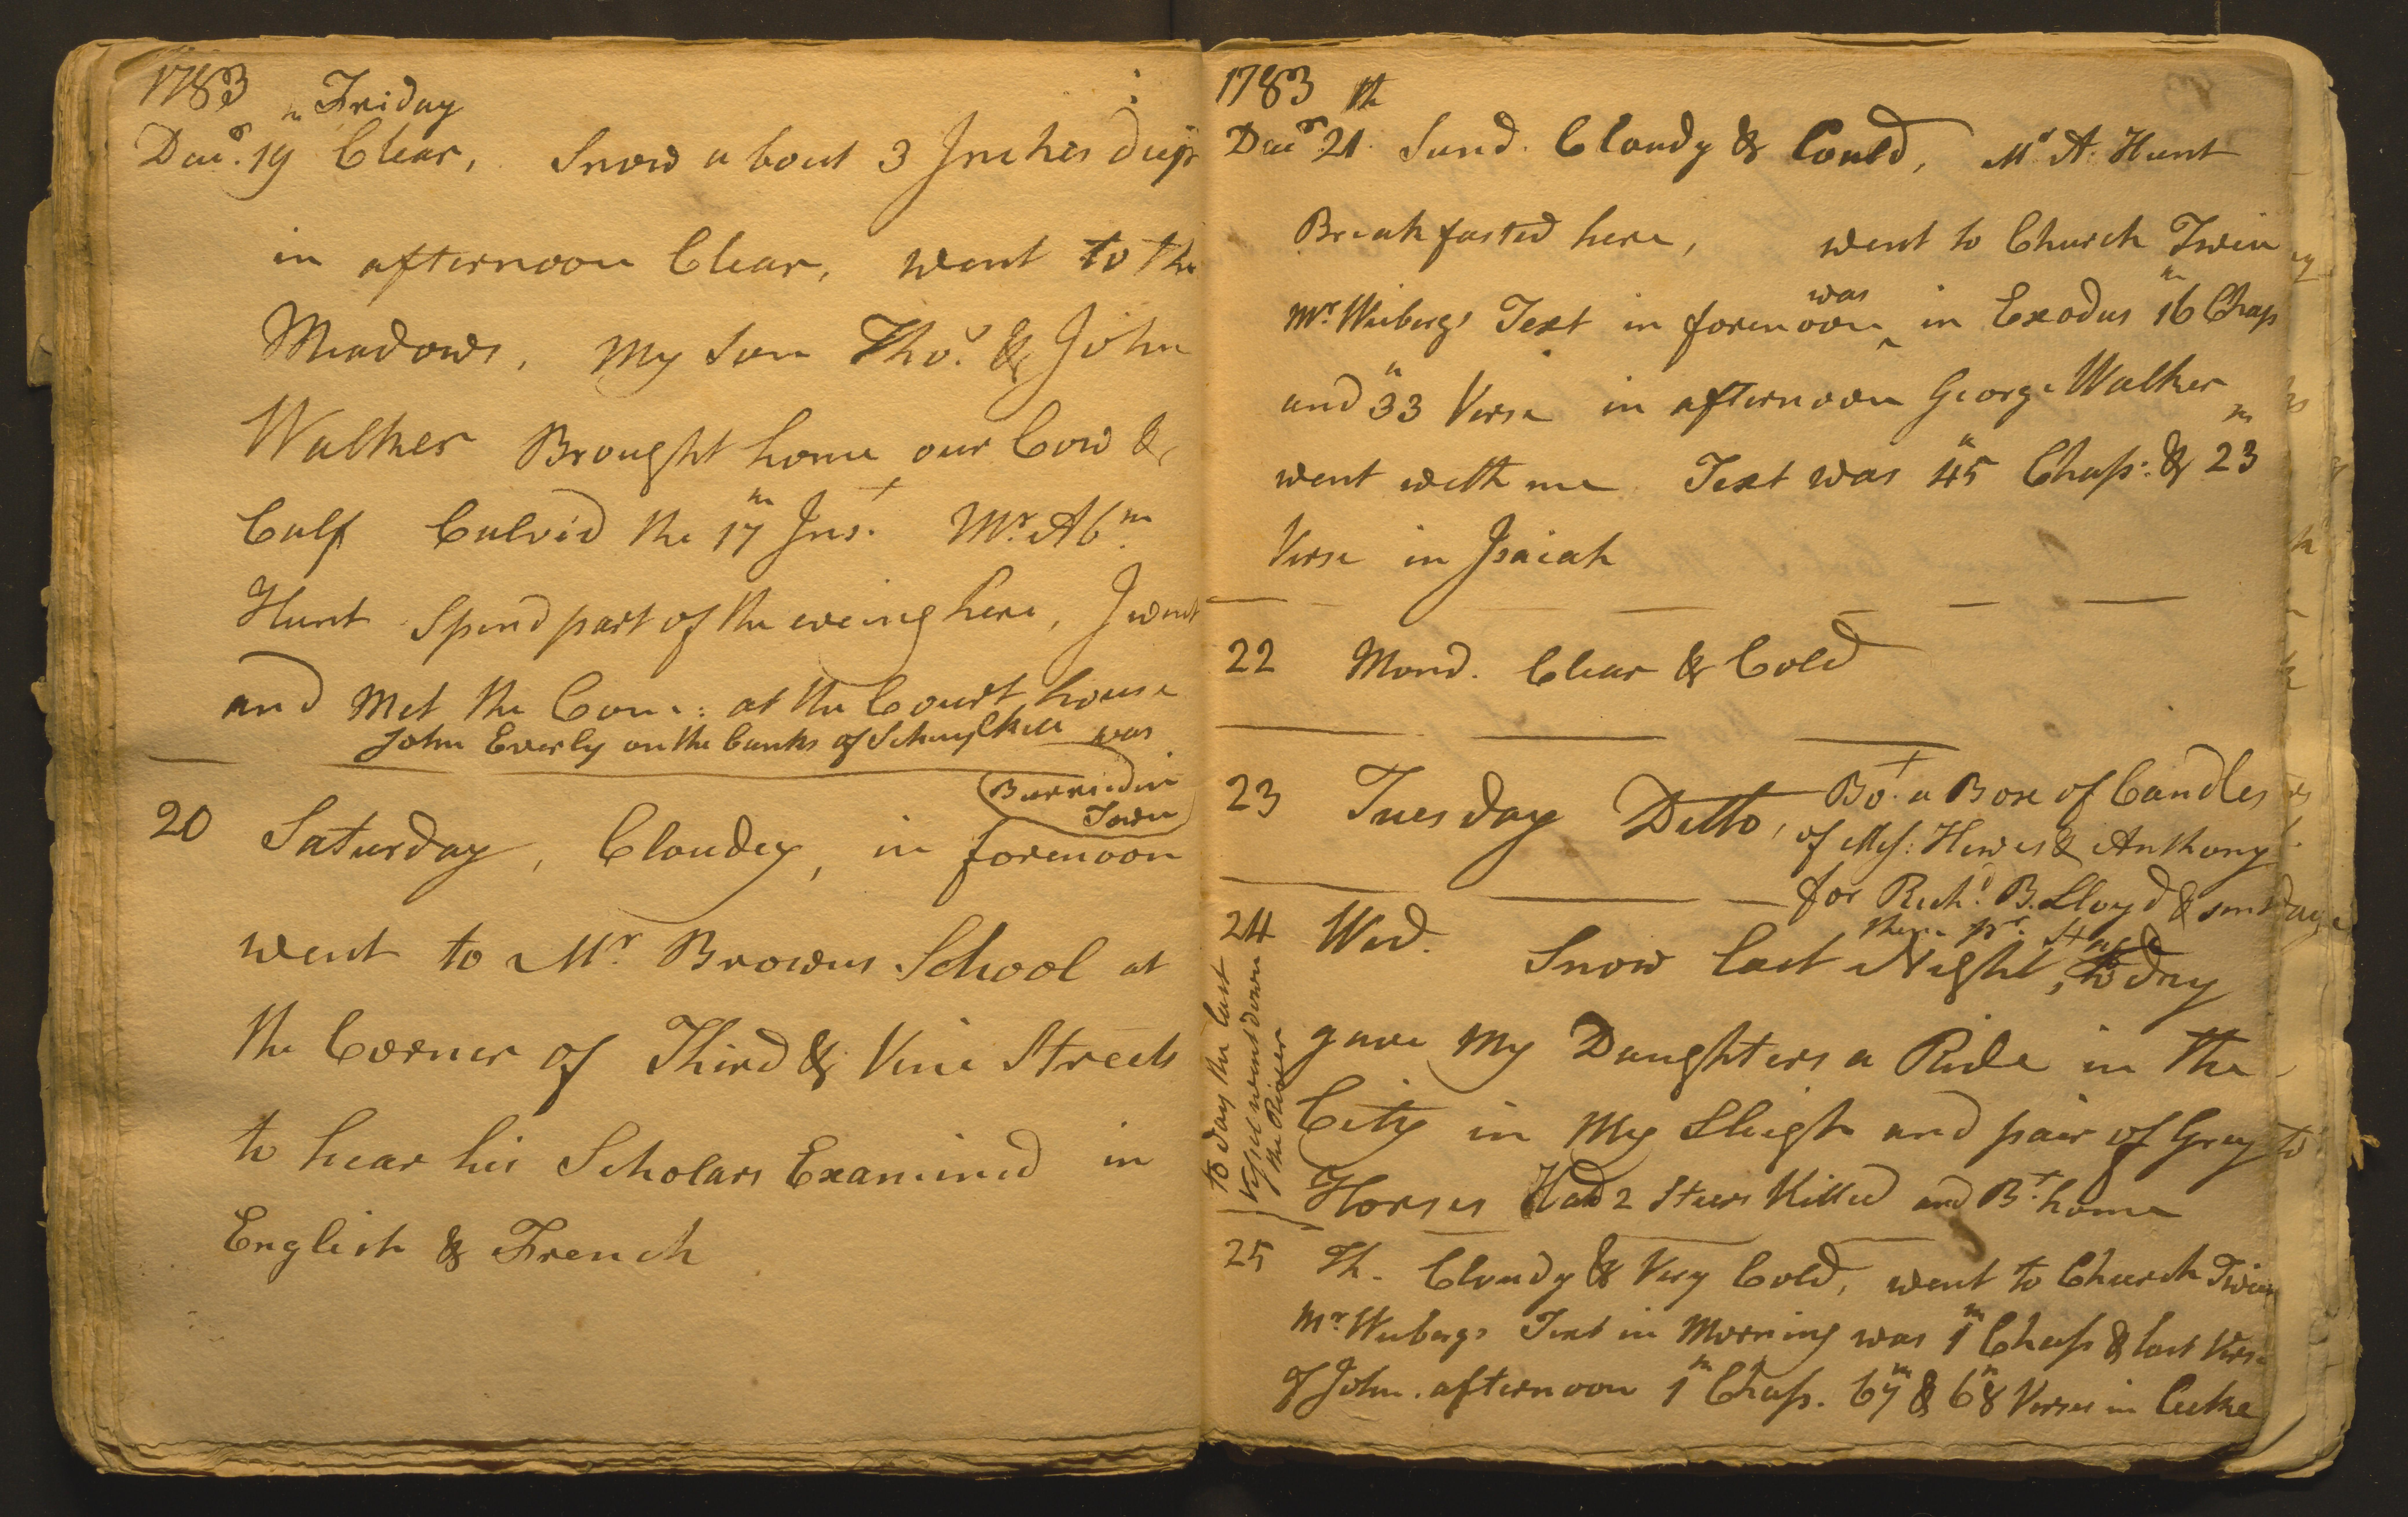1783 Friday
Dec^r. 19^th Clear. snow about 3 Inches deep
in afternoon Clear, went to the
Meadows. My son Tho^s. & John
Walker Brought home our Cow &
Calf Calved the 17^th Ins^t. M^r. Ab^m.
Hunt Spend part of the eveing here, I went
and Met the Con: at the Court, house
John Everly on the banks of Schuylkill was
Burned in
Town
20 Saturday. Cloudey, in forenoon
went to M^r. Browns School at
the Corner of Third & Vine Streets
to hear his Scholars Examined in
English & French
1783
Dece^r 21^th. Sund. Cloudy & Could M^r. A. Hunt
Breakfasted here, went to Church Twice
was
M^r. Weibergs Text in forenoon ^ in Exodus 16^th Chap
and 33^th Verse in afternoon George Walker
went with me. Text was 45^th Chap: & 23^th
Verse in Isaiah
22 Mond. Clear & Cold
23 Tuesday Ditto,
Bo^t. a Box of Candles
of Mes: Hewes & Anthony
for Rich^d. B. Lloyd & sent
them p^r. stage
24 Wed. Snow last Night, today
gave My Daughters a Ride in the
City in My Sleigh and pair of Grey
Horses Had 2 steers Killed and B^t. home
today the last
Vessel went down
the River
25 Th. Cloudy & Very Cold, went to Church Twice
M^r. Weibergs Text in Morning was 1^th Chap & last Verse
of John afternoon 1^th Chap. 67^th & 68^th Verses in luke